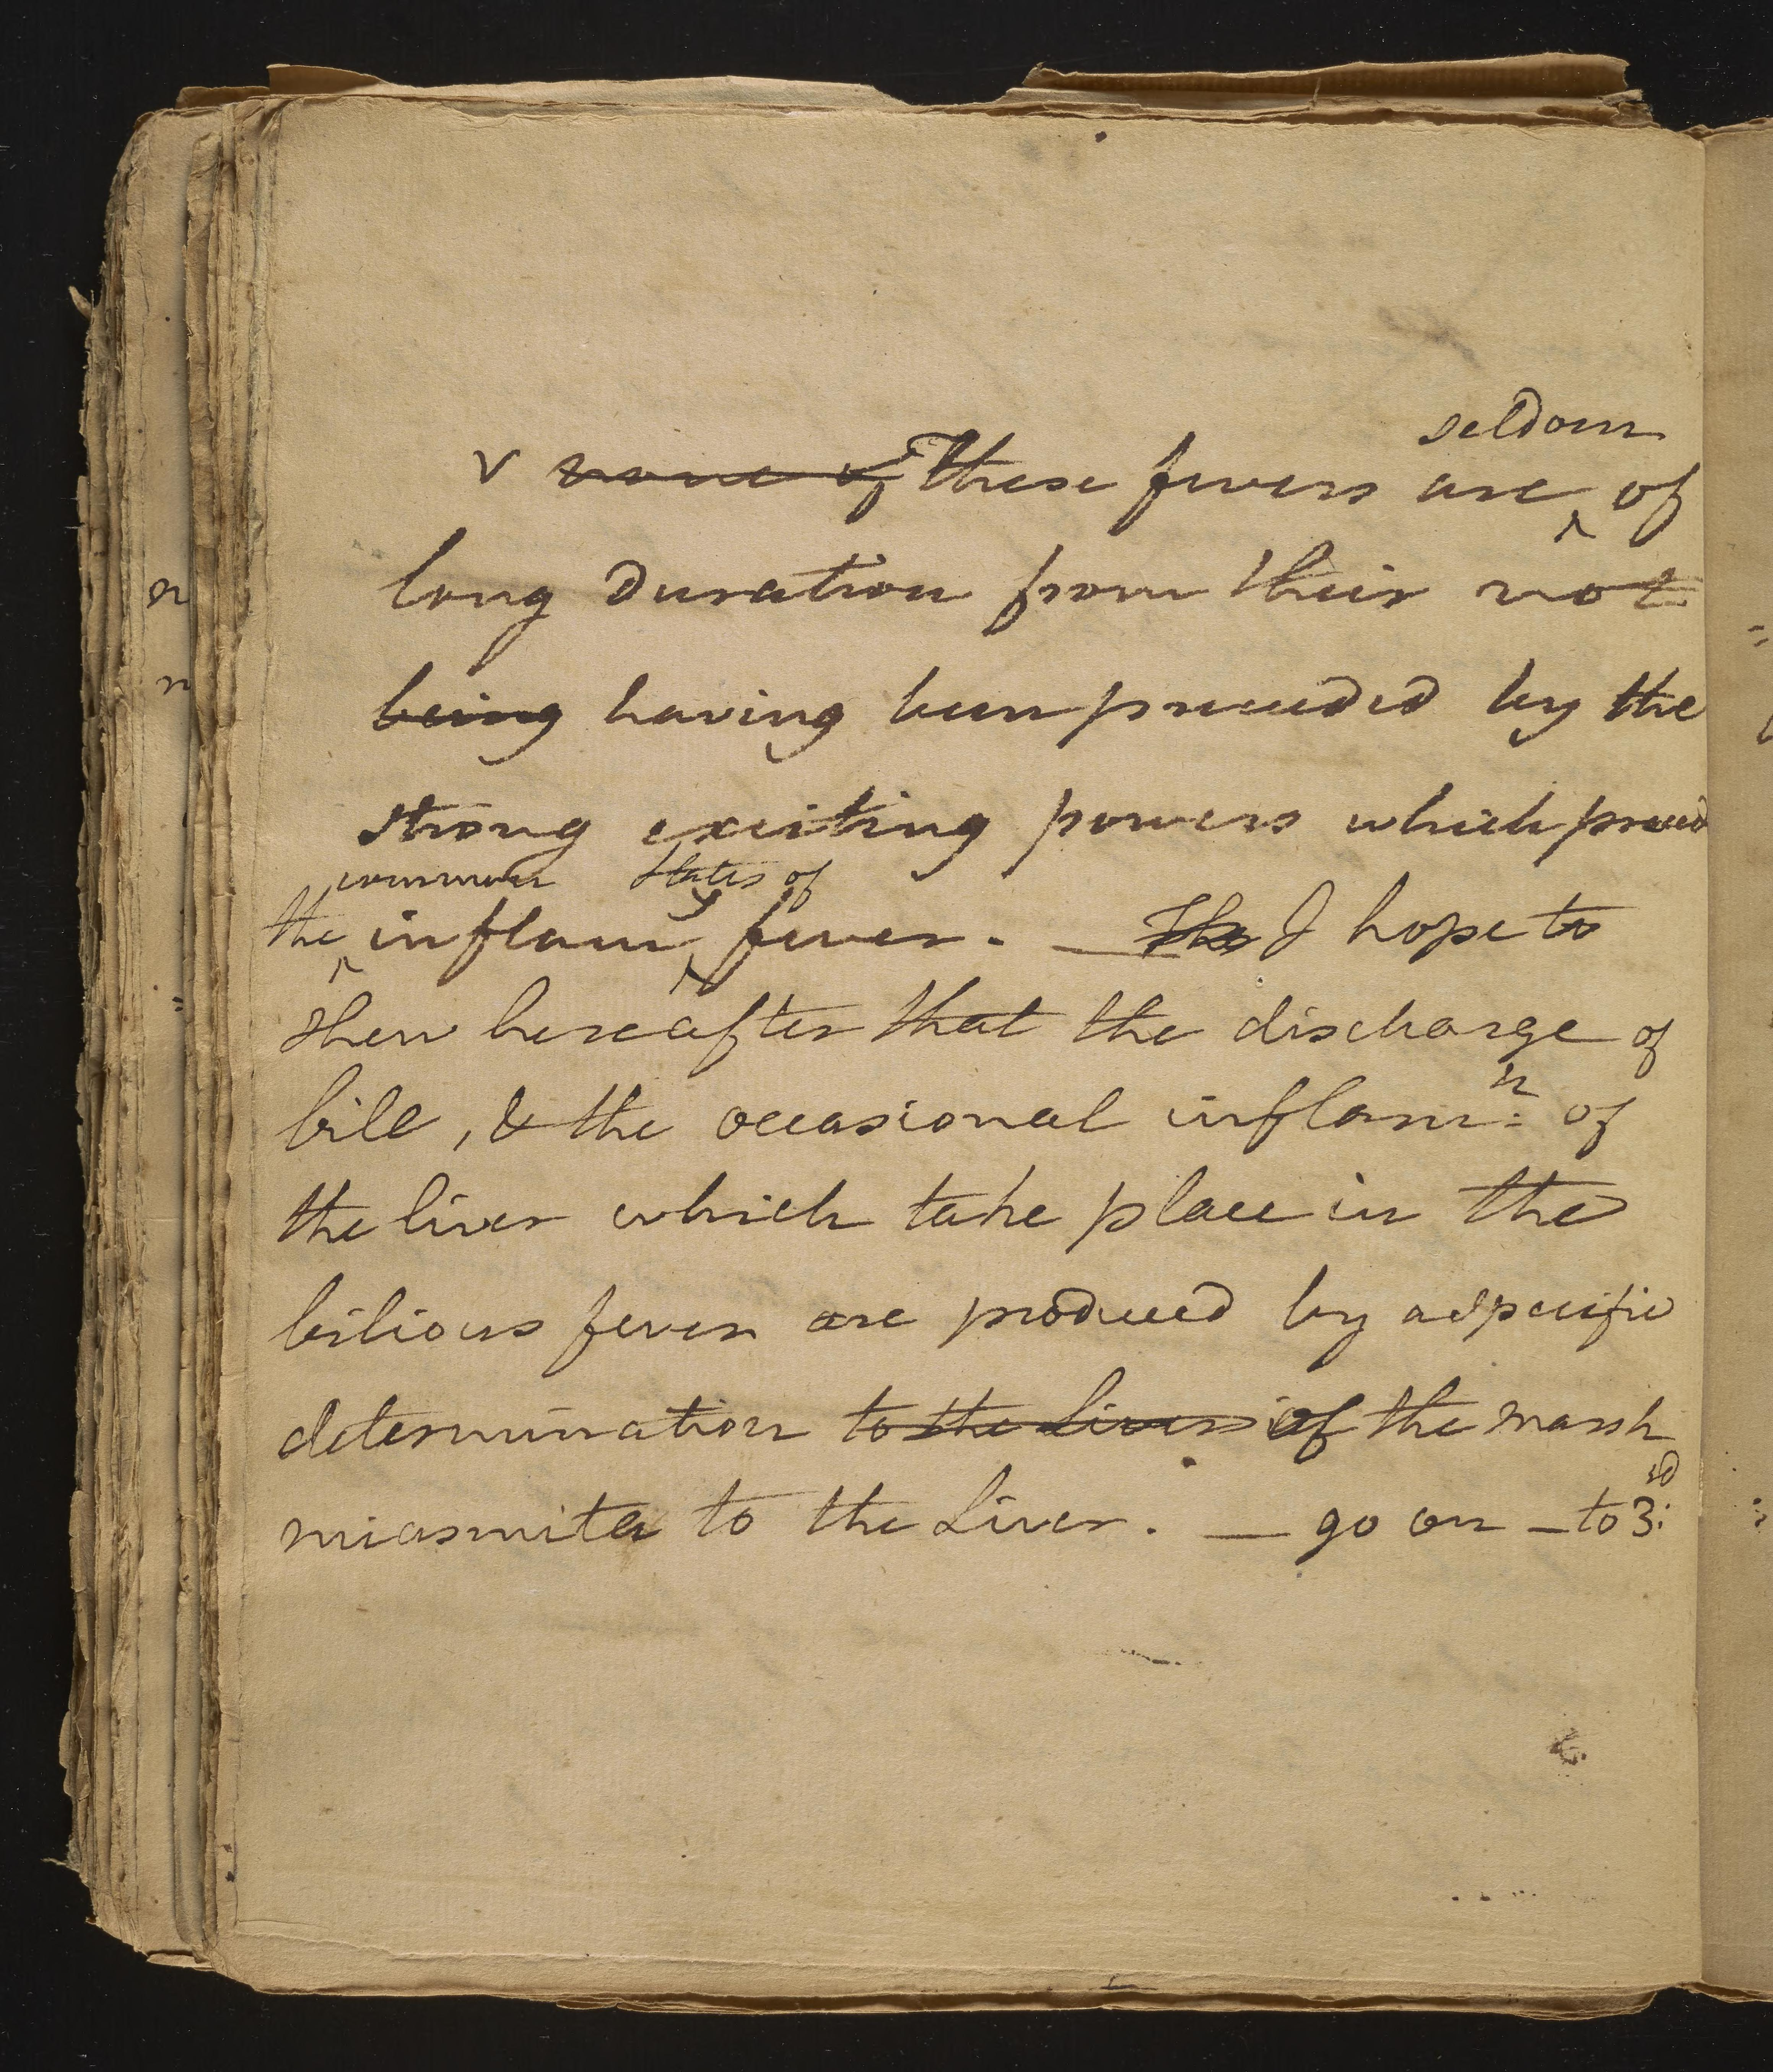seldom
V More These fevers are ^ of
long duration from their not
being having ben proceeded by the
strong existing powers which proceed
common
states of
the ^ inflam^y ^ fever.- [The] I hope to
shew hereafter that the discharge of
bile, & the occasional inflam^n of
the liver which take place in the
bilious fever are produced by a specific
determination [to the Liver] of the marsh
miasmata to the Liver. - go on - to 3^d